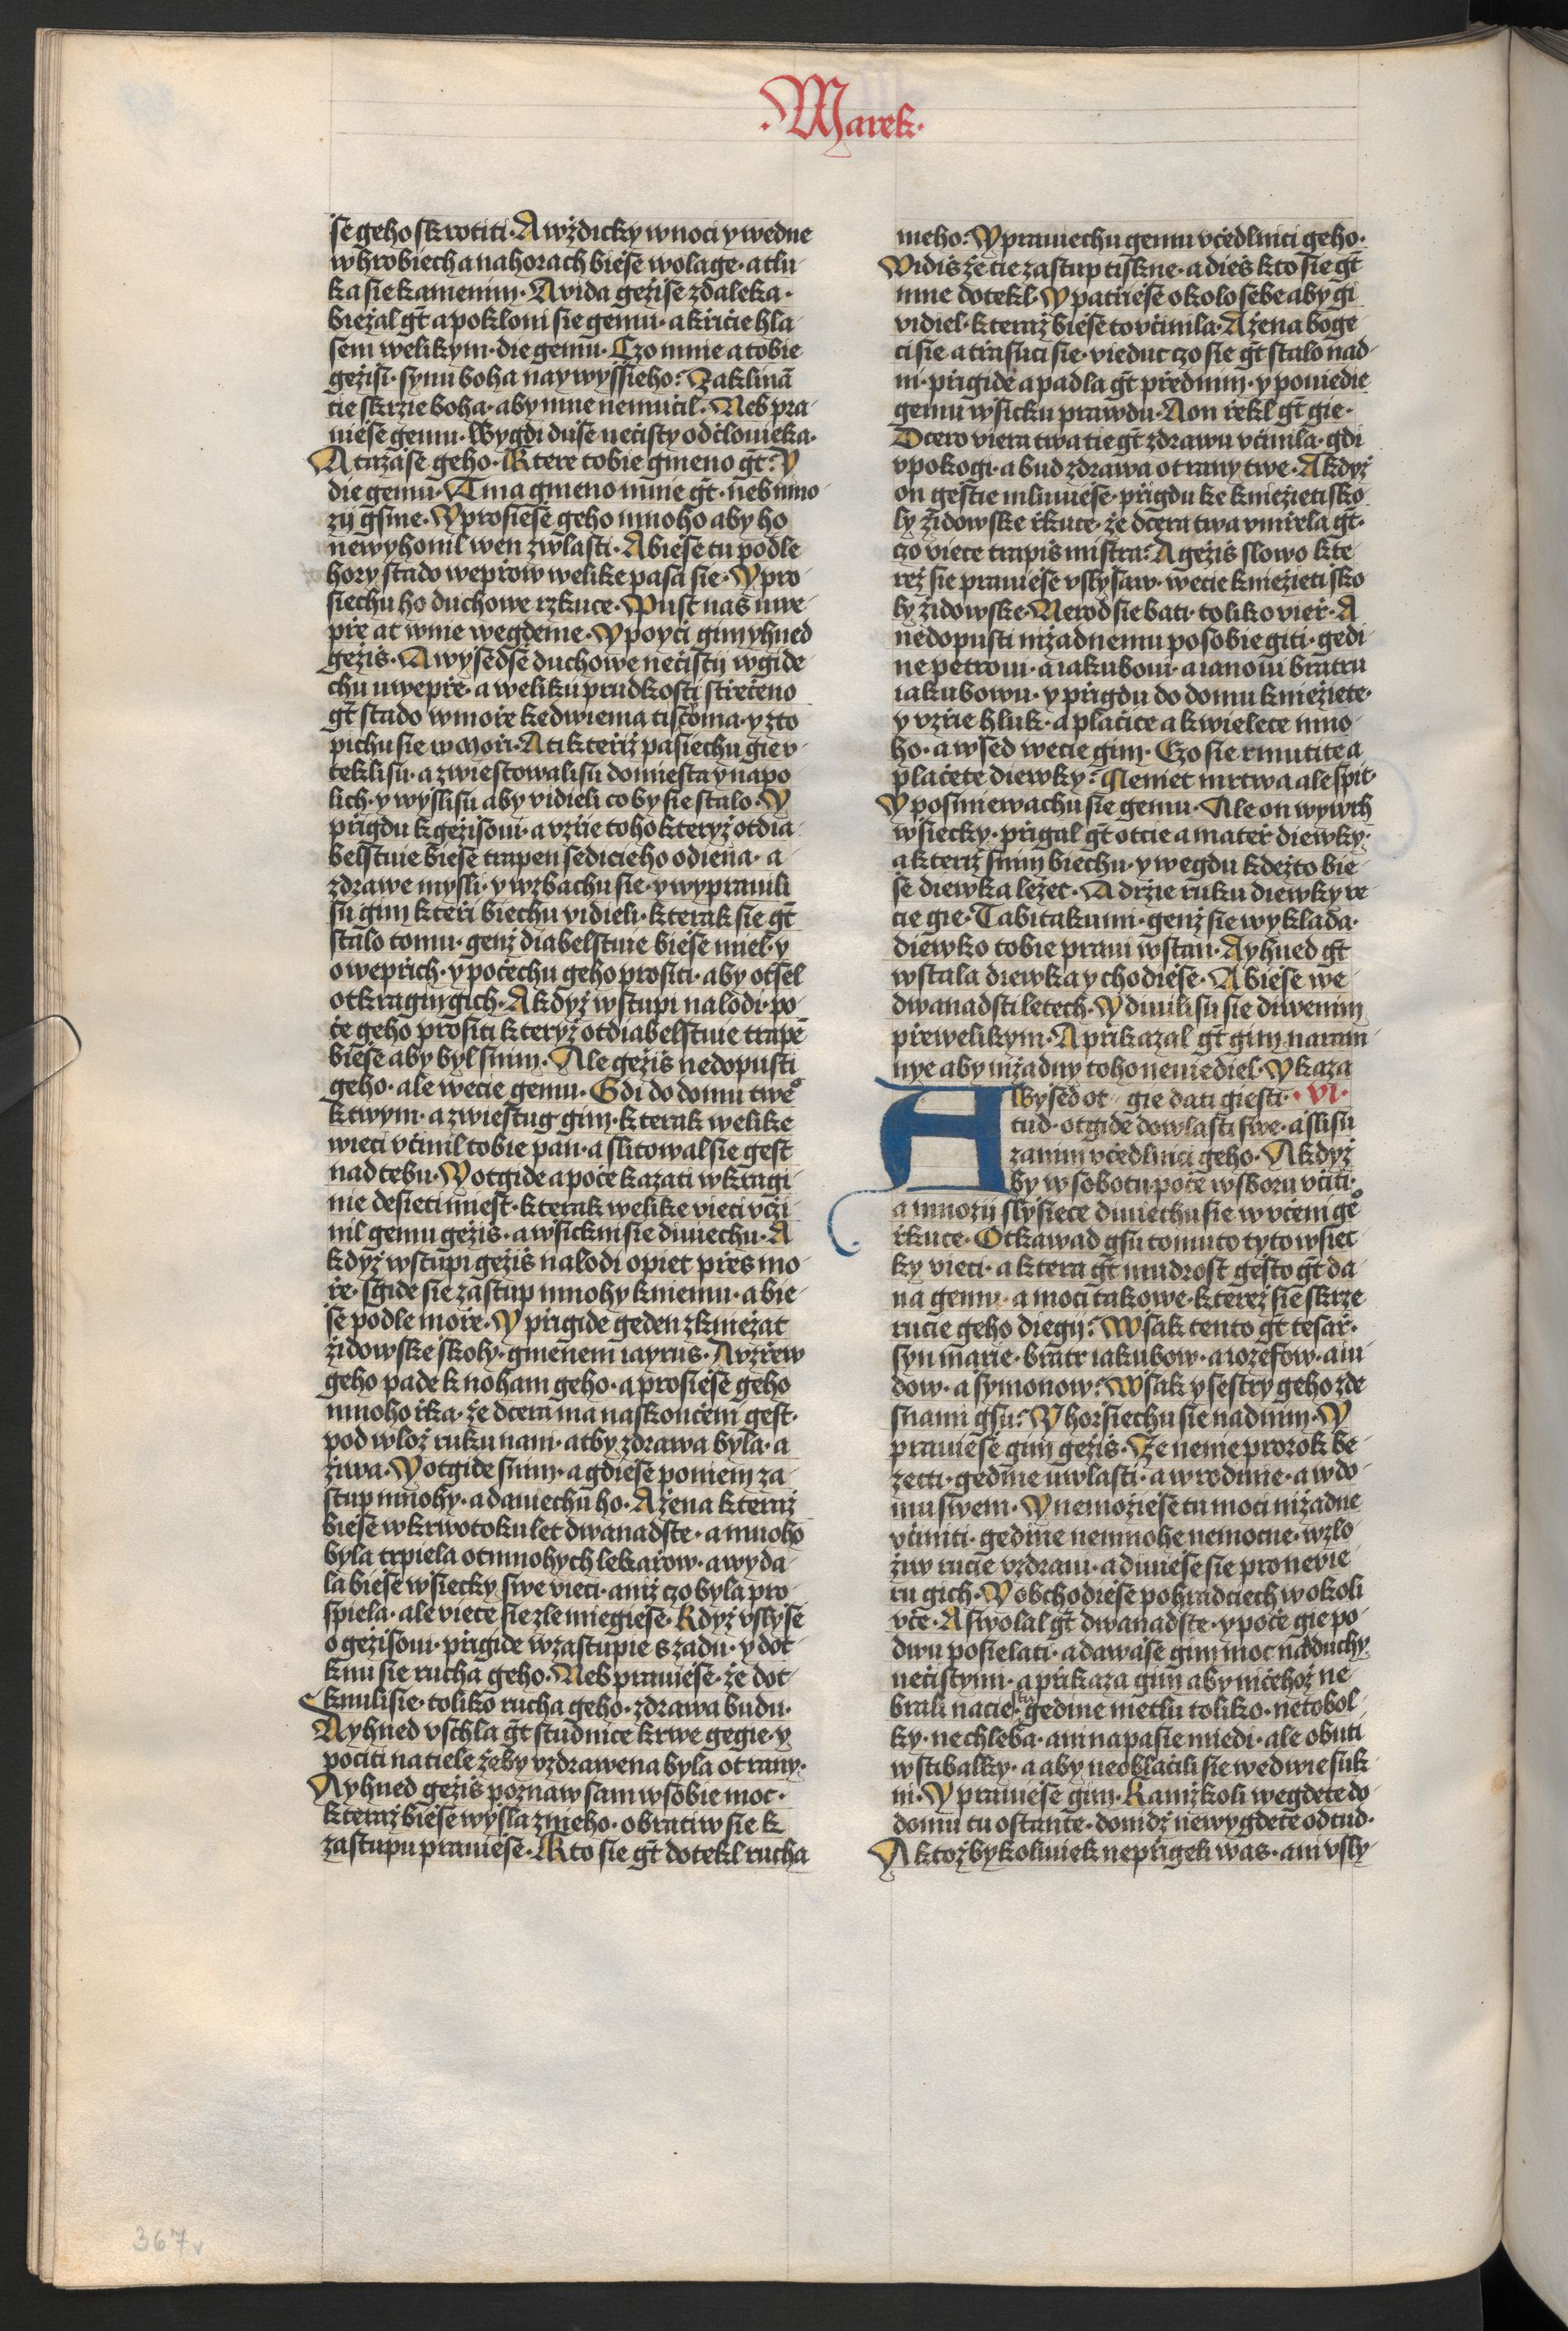ẛe gſeho ſkrotiti. A vżdickY w noci y wedne
whrobíech a nahorach bIeẛe Wolage.a tlu¬
ka ſie kamenÍm. A vida geżíẛe zdaleka.
bíeżal ḡt a poklonI ſie gemu. a kṙiċie hla¬
ſem welikym.díe gemu.Czo mnie a tobie
geżiẛi.ſynu boha naywyẛſíeho?Zaklinā
tie ſkrzie boha.aby mne nenuċil.Neb pra¬
wieẛe gemu.Wygdi duẛe neċiſty odċlowieka.
A tazaẛe geho.Ktere tobie gmeno ḡt?Y
díe gemu.Tma gmeno mnie ḡt.neb mno¬
zu gſme.Y proſieẛe geho mnoho aby ho¬
newyhonil wen zwlaſti.A bieẛe tu podle
hozy ſtado wepṙow welike paſa ſie.Y pro¬
ſiechu ho duchowe rzkuce.Puſt nas uwe¬
pṙe at wnie wegdeme.Y poyċi gím yhned
geżíṡ.A wyẛedẛe duchowé neċiſtij wgide¬
chu u wepṙe.a welikú prudkoſti ſtṙeċeno
ḡt ſtado w moṙe ke dwiema tiſcovma.y zto¬
pichu ſie wo Moṙi.A ti kteṙíż paſíechu gie v¬
tekli ſu.a zwieſtowaliſu domieſta y napo¬
lich.y wyẛli ſu aby vidieli co by ſie ſtalo.Y
pṙigdu k geżíẛoui a uzṙíe toho kteryž ot dia¬
belſtuie bíeẛe trapen ſedícíeho odiena.a
zdrawe myſli.y wzbachu ſie.y wyprauili
ſu gim kteṙí bíechu vidieli.kterak ſie ḡt
ſtalo tomu.genż diabelſtuíe bíeẛe miel.y
o wepṙich.y poċechu geho proſiti.aby otẛel
ot kragugích.A kdyż wſtupi na lodi po¬
ċe geho proſiti kteryž ot diabelſtuíe trapē
bíeẛe aby byl ſnim. Ale gežíš nedopuſti
geho.ale wecie gemu. Gdi do domu tweo
k twým.a zwieſtug gim.kterak welike
wieci uċinil tobie pan.a ſlitowal ſie geſt
nad tebu.Yotgide a poċe kazati wkragi
nie deſieti mieſt.kterak welike vieci vcżi¬
nil gemu gežís.a wẛickni ſe diwiechu. A
když wſtupí geżíṡ nalodi opiet pṙes mo¬
ṙe.ſgide ſie zaſtup mnohy kniemu a bíe¬
ẛe podle moṙe.Y pṙigide geden z kniežat
żidowſké ẛkoly.gmenem iayrus.A uzřew¬
geho pade k noham geho.a proſieẛe geho
nnoho ṙka.że dcera ma naſkonċení geſt.
pod wlož ruku nani.atby zdrawa byla.a
żiwa.Y otgide ſnim.a gdíeẛe poniem za¬
ſtup mnohy.a dawechu ho. A żena kteraż
bieẛe v krwotoku let dwanadſte.a mmoho
byla trpiela otmnohych lekaṙow.a wyda¬
la bíeẛe wẛiecký ſwe vieci.aniż czo byla pro¬
ſpiela.ale víece ſie zle miegíeẛe.Když vſlyẛe¬
o geżiẛowi.pṙigíde wozaſtupie szadu.y dot¬
knu ſie rucha geho.Neb prawíeẛe.że dot¬
knuli ſie.toliko rucha geho.zdrawa budu.
A yhned uſchla ḡt ſtudnice krwe gegie.y
pociti na tiele žeby vzdzawéna byla ot rany.
A yhned geżiṡ poznaw ſam wſobie moc.
kteraž bíeẛe wyẛla znieho.obratiw ſie k¬
zaſtupu prauíeẛe.Kto ſie ḡt dotekl rucha
meho? Y prauiechu gemu vċedlnici geho.
Vidiš że tie zaſtup tiſkne.a dieṡ kto ſie ḡt
mne dotekl.Y patṙíeẛe okolo ſebe aby gi
vidiel.kteraż bieẛe ty vċinila.A żena boge¬
ti ſie a tṙaſuci ſie.vieduc czo ſie ḡt ſtalo nad
ni.pṙigide a padla ḡt přednim.y pouiedie
gemu wẛicku prawdu. A on ṙekl ḡt gíe.
Dcero viera twa tie ḡt zdrawu vċinila.gdi
vpokogi.a bud zdrawa ot rany twe.A kdyż
ot geẛtie mluuíeẛe.pṙigdu ke knieżieti ſko¬
ly żidowſké ṙkuce.że dcera twa umṙela ḡt
co víece trapíṡ miſtra?A geżíṡ ſlowo kte¬
réż ſie prawíeẛe vſlyẛaw.wecie knieżieti ẛko¬
ly żidowſké.Nerod ſie bati.toliko vieṙ.A¬
nedopuſti niżadnemu poſobie giti.gedi
ne petroui.a iakuboui.a ianoui bratra
iakubowu.y pṙigdu do domu knieżiete.
y vzṙie hluk.a plaċite a kwíelece mno¬
ho.a wẛed wecie gim.Czo ſie rmutite a
plaċete dievky? Neniet mrtwá ale ſpit.
Y poſmiewachu ſie gemu.Ale on wywrh
wẛiecky.pṙigal ḡt otcie a mateṙ diewky.
a kteriž ſnim bíechu.y wegdu kdeżto bíe¬
ẛe diewka leżet.A drże ruku diewky ve¬
cie gie.Tabitakumi.genż ſie wyklada.
diewko tobie praui wſtan. Ayhned ḡt
wſtala dievka y chodieẛe.A bíeẛe we
dwanadſti letech.Y diuili ſu ſie diwenim
pṙewelikym. A pṙikázal ḡt gím naram¬
nye aby niżadny toho neuíediel.Y kaza¬
ſkyẛed ot gie dati gieſti. i vi.
tud.otgide dowlaſti ſwe.aẛli ſu
za nim vċedlnici geho.A když
by až ſobotu. poċe wſboru vċiti.
a mnozij ſlyẛíece diuiechu ſie w vċení geo
ṙkuce.Otkawad gſu tomuto tyto wſiec¬
ky vieci.a ktera ḡt mudroſt geẛto ḡt da¬
na gemu.a moci takowe.ktereż ſie ſkrze
rucie geho diegij? Wẛak tento ḡt teſaṙ.
ſyn marie.bratr iakubow.a iozefow.a iu¬
dow.a ẛymonow?Wẛak y ſeſtry geho zde¬
ſnami gſu? Y horẛíechu ſie nad ním.Y
prauíeẛe gím geżíṡ.Że neníe prorok be¬
ze cti.gedine vwlaſti.a wrodinie.a w do¬
mu ſwem. Y nemożíeẛe tu moci niżadne
uċiniti.gedine nemnohe nemocne wzlo¬
żiw ruce vzdraui.a diwieẛe ſie pro nevie¬
ru gich.Y obchodíeẛe po hradciech w okoli
vċe. A ſwolal ḡt dwanadſte.y poċe gie po¬
dwu poſielati.a dawaẛe gim moc nad duchy
neċiſtymi.a pṙikaza gim aby niċehoż ne¬
brali na cieſtu gedine metlu toliko.netobol¬
ky.nechleba.ani napaſié medi.ale obutí
wſtibalky.a aby neoblaċili ſie we dwie ſuk¬
ni.Y prauíeẛe gim.Kamżkoli wegdete do
domu tu oſtante.donidž newygdete odtud.
A ktożby koliwiek nepṙigeli was. ani vſly¬